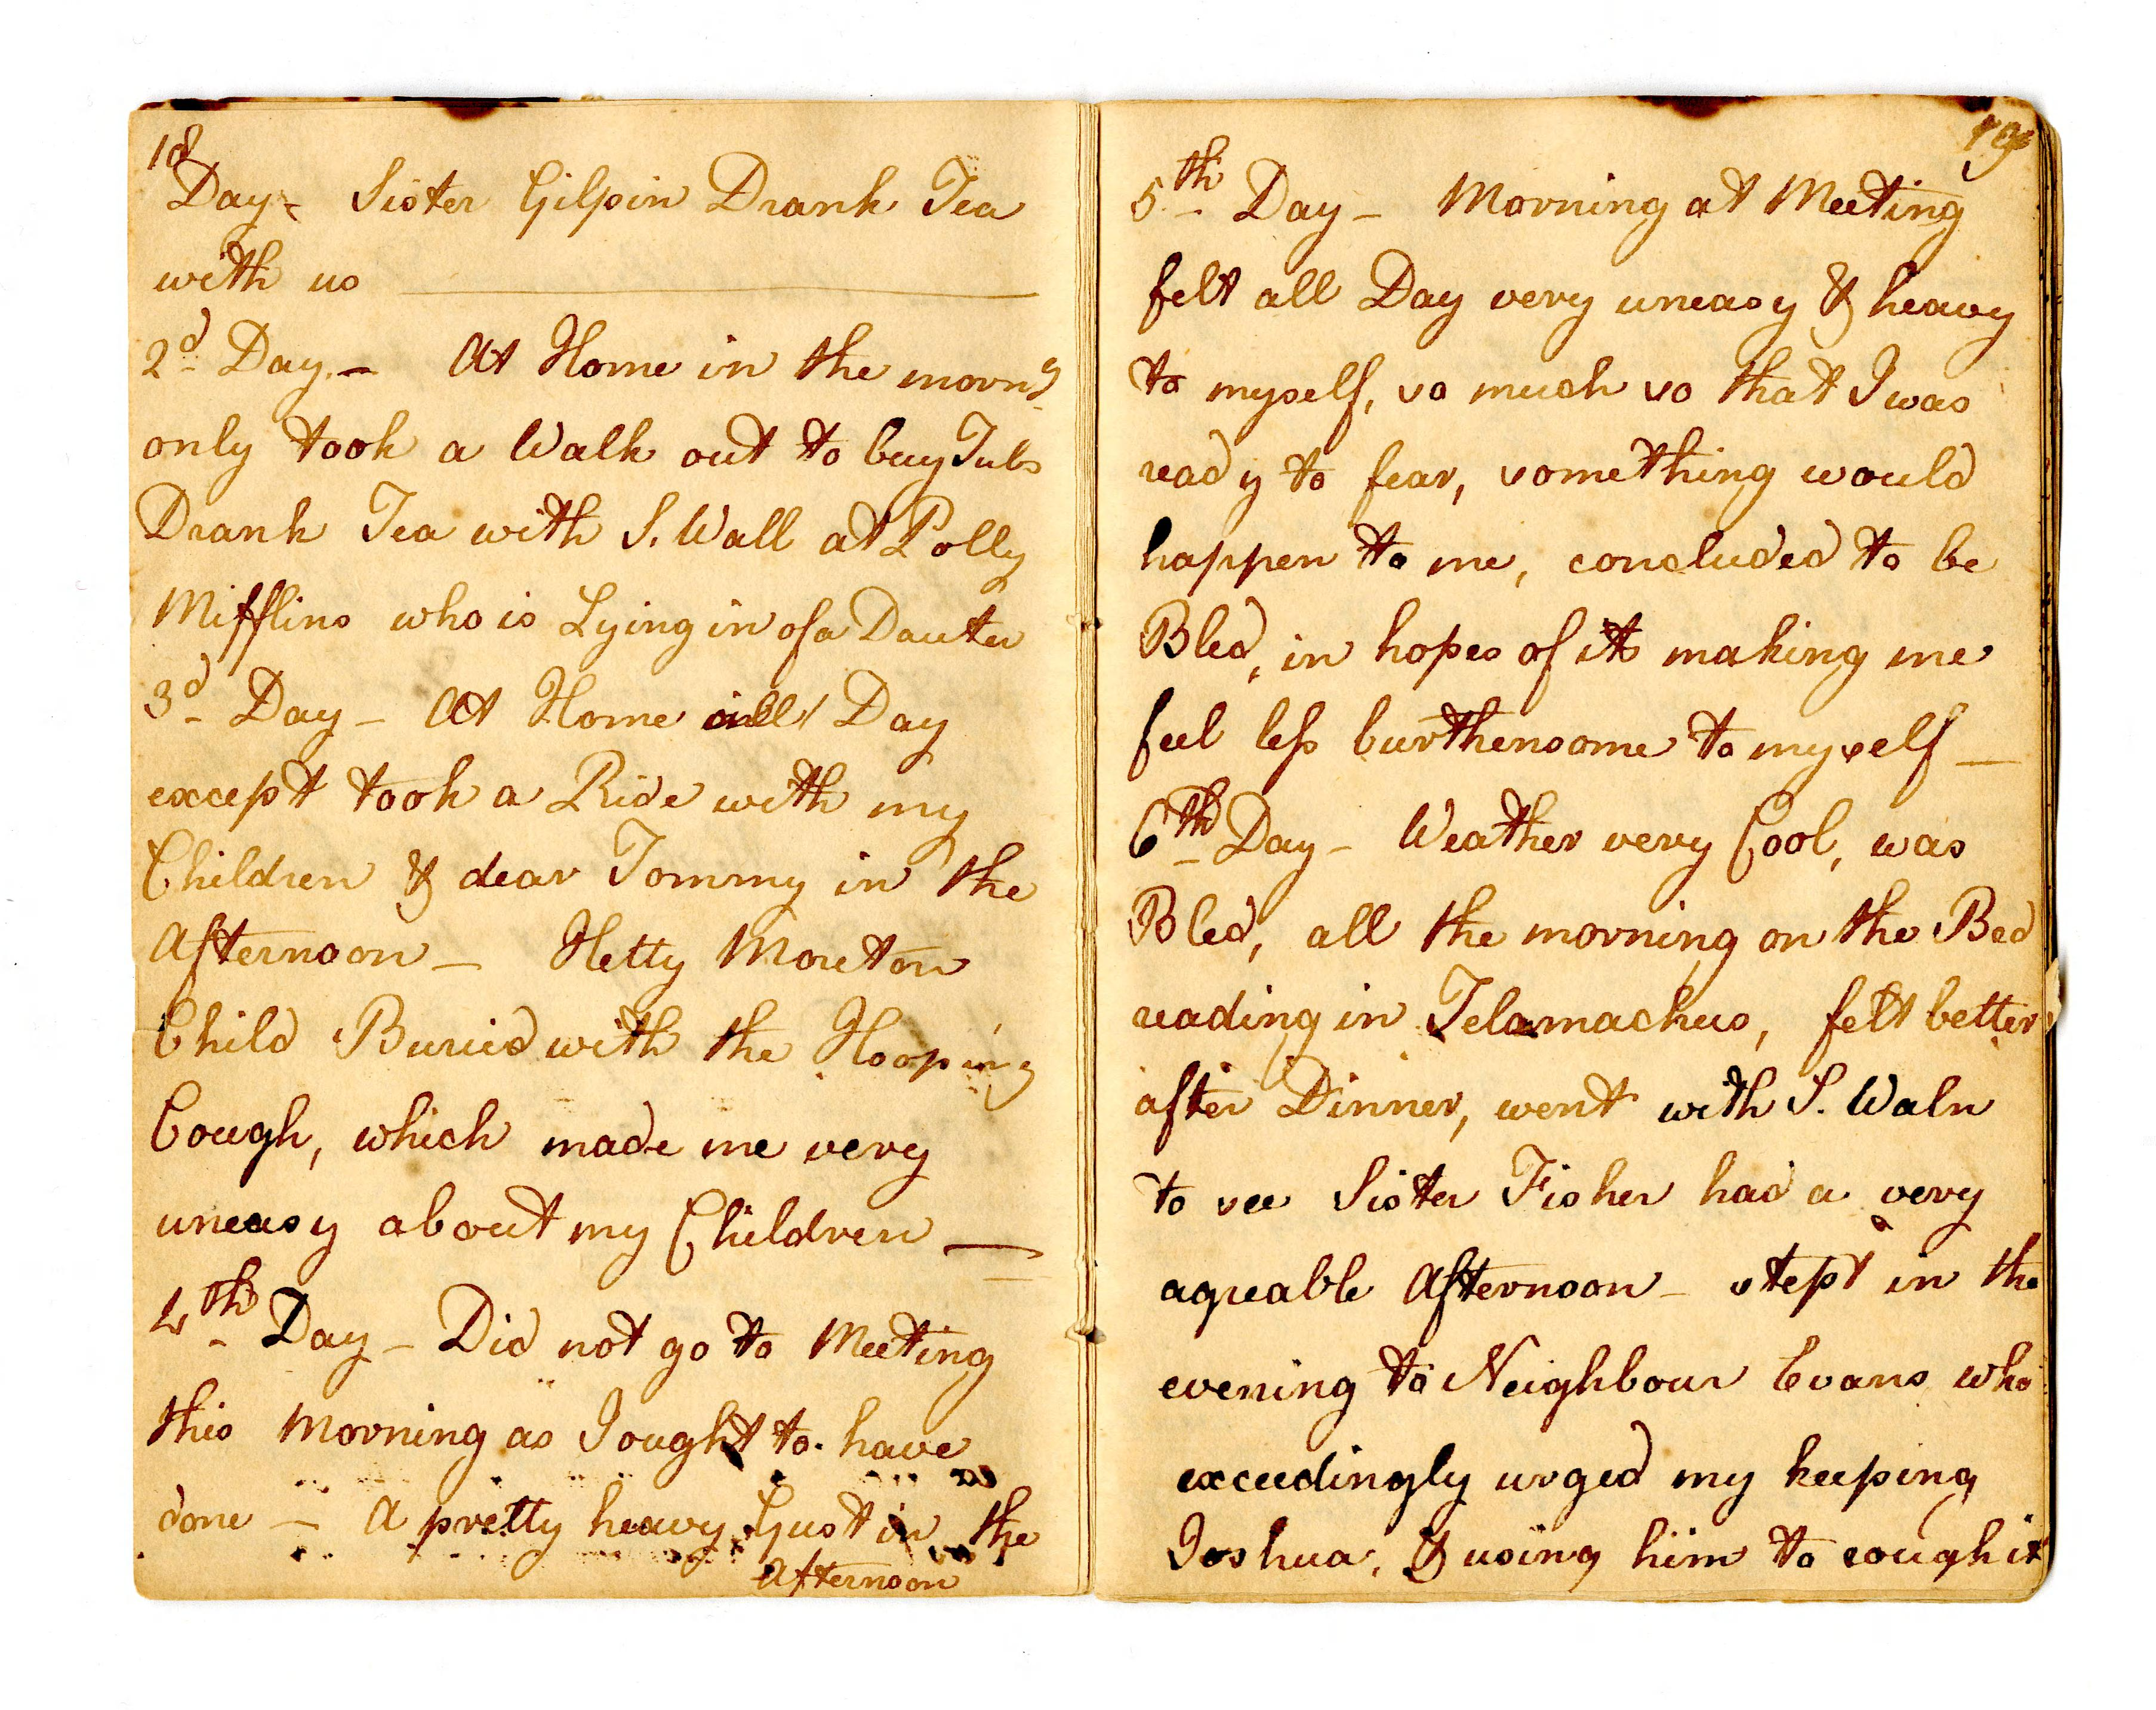18
Day Sister Gilpin Drank Tea
with us
2^d Day- At Home in the morn^g
only took a Walk out to buy Tubs
Drank Tea with S. Wall at Polly
Mifflins who is Lying in of a Dauter
3^d Day- At Home [all] Day
except took a Ride with my
Children & dear Tommy in the
Afternoon- Hetty Moreton
Child Buried with the Hooping
Cough, which made me very
uneasy about my Children
4^th Day- Did not go to Meeting
this Morning as I ought to have
done- A pretty heavy Gust in the
Afternoon
19
5^th Day- Morning at Meeting
felt all Day very uneasy & heavy
to myself, so much so that I was
ready to fear, something would
happen to me, concluded to be
Bled, in hopes of its making me
feel less burthensome to myself
6^th Day- Weather very Cool, was
Bled, all the morning on the Bed
reading in Telamachus, felt better
after Dinner, went with S. Waln
to see Sister Fisher had a very
agreable Afternoon- stept in the
evening to Neighbour Evans who
exceedingly urged my keeping
Joshua, & using him to rough it